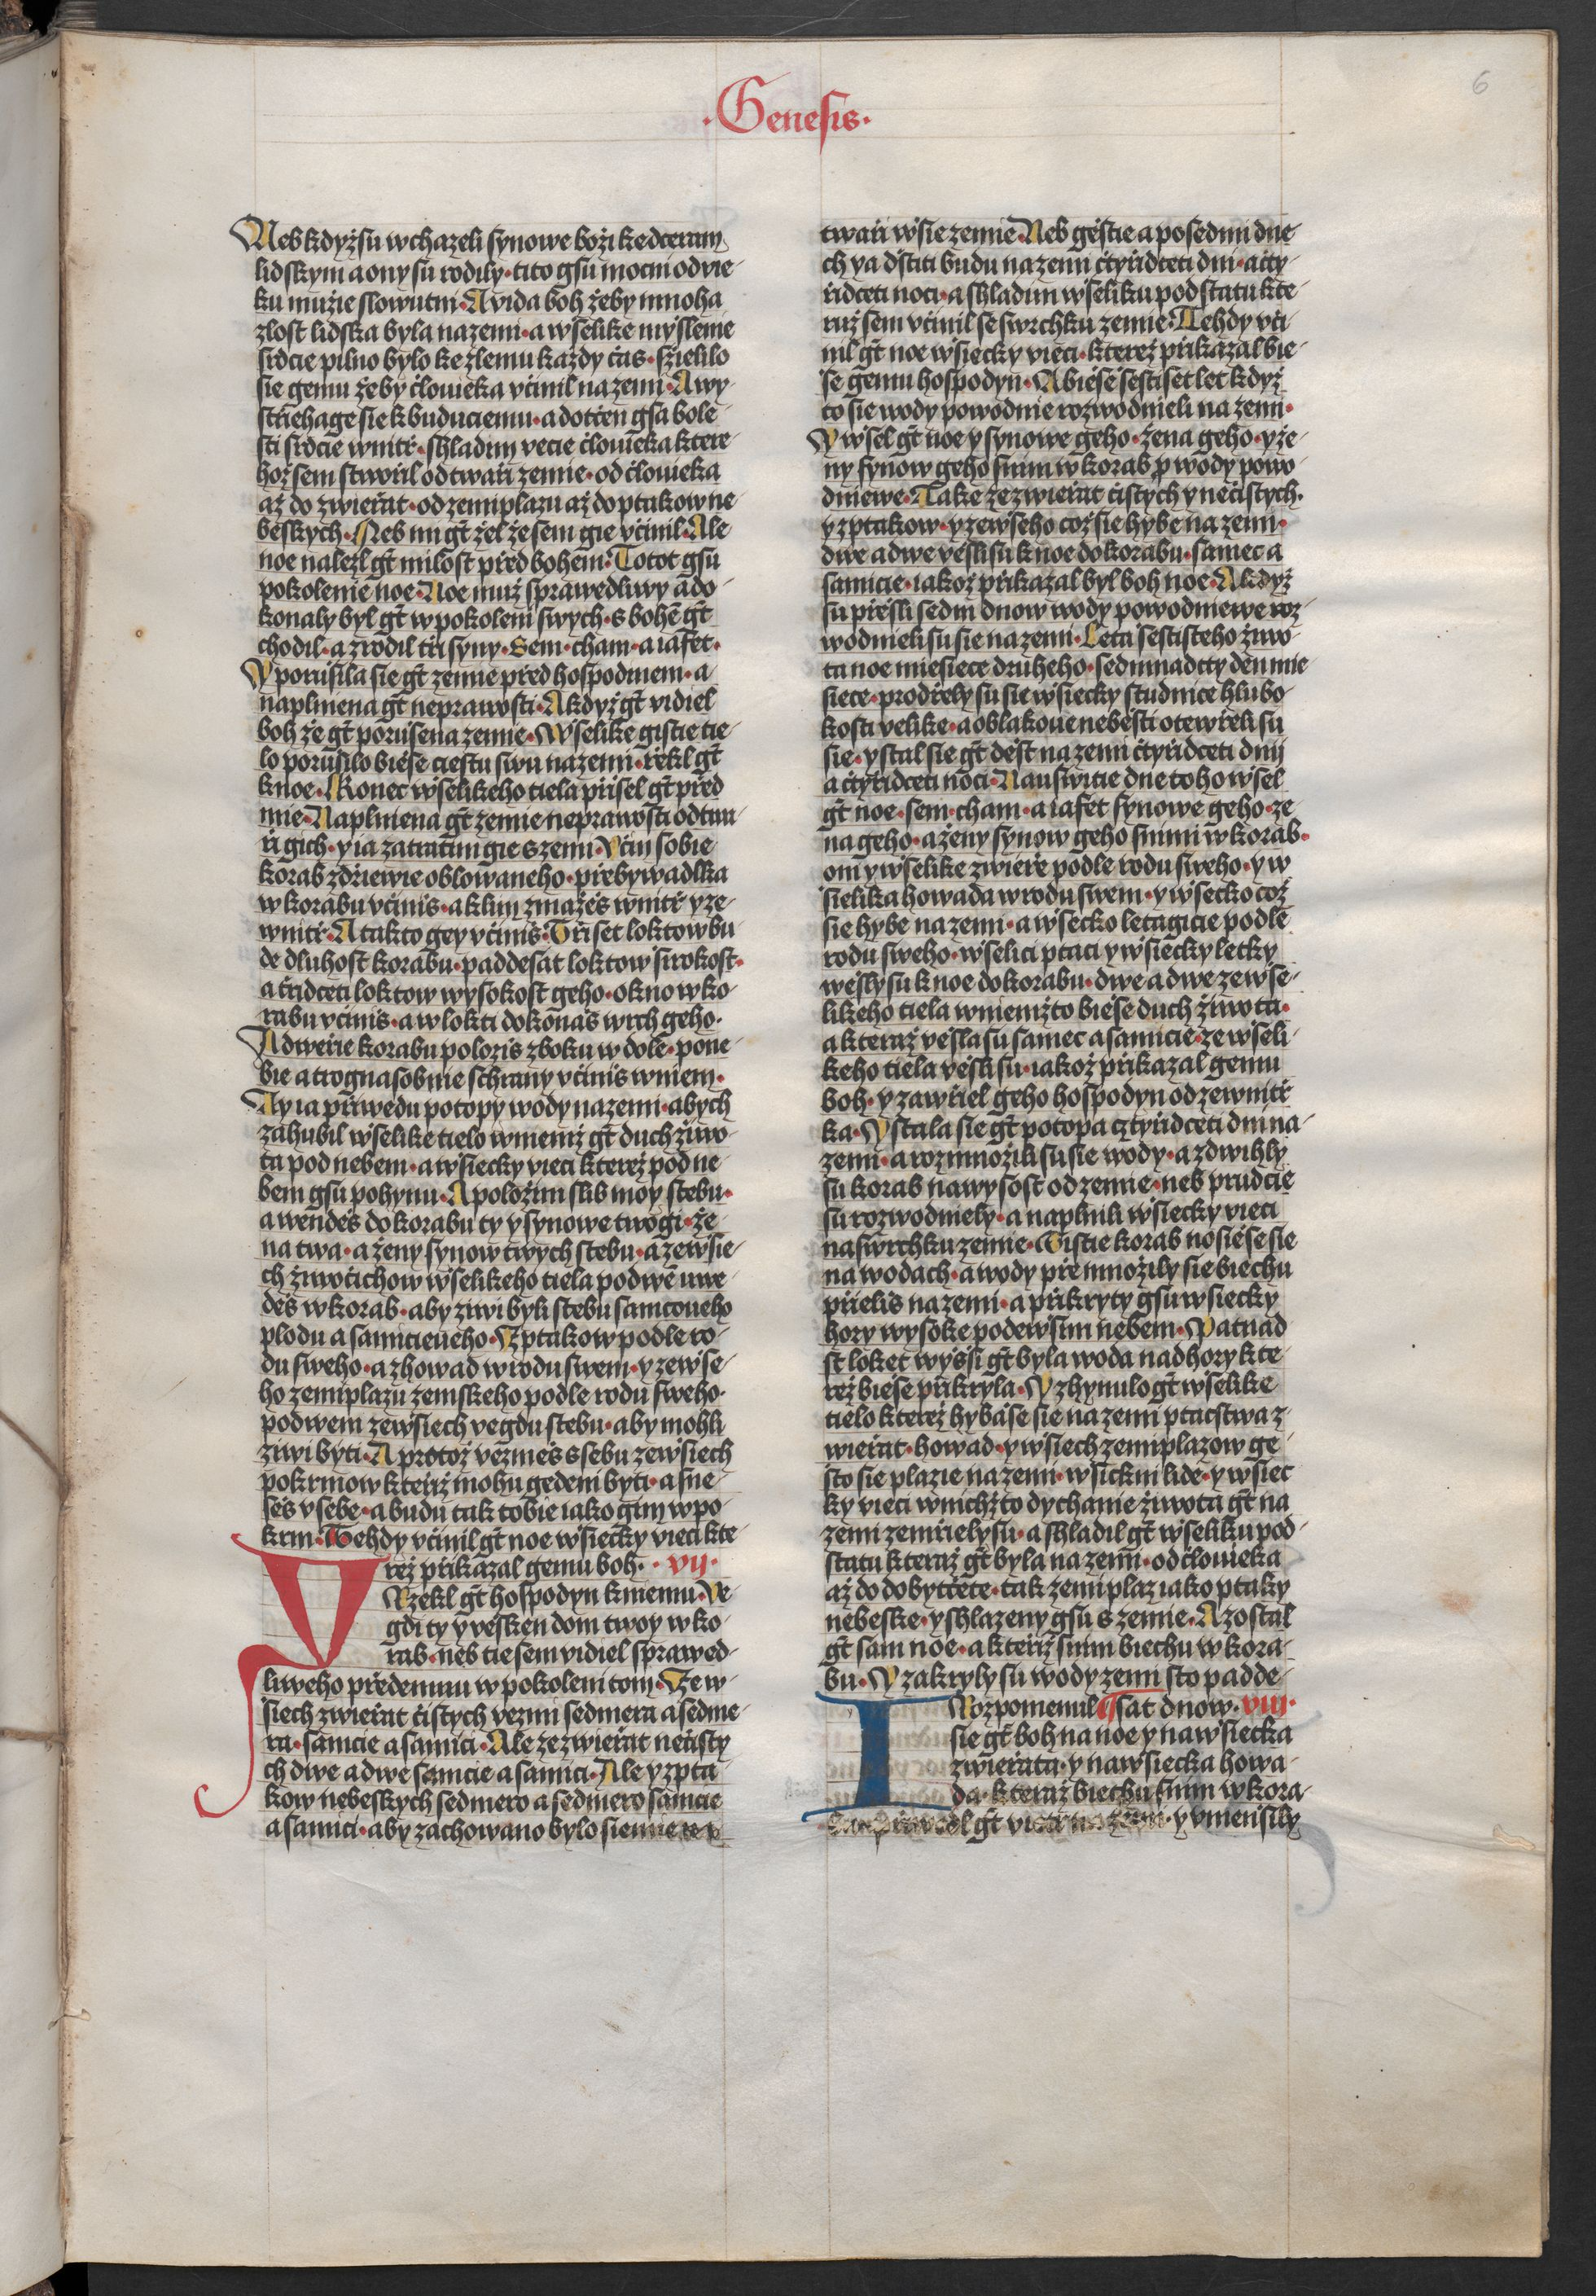.Geneſis.
Neb kdyżſu wchazeli ſynowe bożi kedceram
lidſkym a ony ſu rodily.tito gſu mocni odvie¬
ku mużie ſlowutné.A vida boh żeby mnoha
zloſt lidſka byla nazemí.a wẛelike myẛlenie
ſrdcie pilno bylo ke zlemu każdy ċas.ſżielilo
ſie gemu żeby ċlouieka vċinil nazemi.A wy¬
ſtṙiehage ſie k buduciemu.a dotċen gſa bole¬
ſti ſrdcie wnitṙ.ſhladim vecie ċlouieka ktere¬
hoż ſem ſtwoṙil odtwaṙi zemie.od ċlouieka
až do zwieřat.odzemiplazu aż do ptakow ne¬
beſkych.Neb mi ḡt żel żeſem gie vċinil.Ale
noe nalezl ḡt miloſt pṙed bohem.Totot gſu
pokoleníe noe.Noe muż ſprawedliwy a do¬
konaly byl ḡt w pokolení ſwych.s bohē ḡt
chodil.a zrodil tṙi ſyny.Sem.cham.a iafet.
Y poruẛila ſie ḡt zemie pṙed hoſpodinem.a
naplniena ḡt neprawoſti.Akdyż ḡt vidiel
boh że ḡt poruẛena zemie.Wẛelike giſtie tie¬
lo poruſilo bieẛe cieſtu ſwu nazemi.ṙekl ḡt
knoe.Konec wẛelikeho tiela pṙiẛel ḡt pṙed
mie.Naplníena ḡt zemie neprawoſti odtwa¬
ṙi gich.yia zatratim gie szemi.Yċin ſobie
kozab zdṙiewie oblowaneho.pṙebywadlka
w korabu vċiníṡ.a klim zmażeṡ wnítṙ y ze¬
wnítṙ. A takto gey vċíníṡ.Tṙiſet loktow bu¬
de dluhoſt korabu.paddeſat loktow ẛirokoſt.
a třidceti loktow wyſokoſt geho.okno wko¬
rabu vċiníṡ.a wlokti dokonaṡ wrch geho.
A dweṙie korabu poloziṡ zboku w dole.pone¬
bíe a trognaſobnie ſchrany vċiníṡ wníem.
Ay ia pṙiwedu potopy wody nazemí.abych
zahubil wẛelike tielo wniemż ḡt duch žiwo¬
ta pod nebem.a wẛiecky vieci ktereż pod ne¬
bení gſu pohynu.Apolożím ſlib moy ſtebu.
a wendeṡ do korabu ty y ſynowe twogi.że¬
na twa.a żeny ſynow twych ſtebu.a zewẛie
ch żiwoċichow wẛelikeho tiela podwe uwe¬
deṡ wkorab.aby ziwi byli ſtebu ſamcoueho
plodu a ſamicieneho.Zptakow podle ro¬
du ſweho.a zhowad wrodu ſwem.y zewẛe¬
ho zemiplazu zemſkého podle rodu ſweho.
podwem zewẛiech yegdu ſtebu.aby mohli
ziwi byti.A protoż vezmeṡ sſebu zewẛiech
pokrmow kteṙiż mohu gedeni byti.a ſne¬
ſeṡ vſebe.a budu tak tobie iako gim wpo¬
krm.Tehdy vċinil ḡt noe wẛiecky vieci kte¬
reż pṙíkazal gemu boh. .vij.
Rżekl ḡt hoſpodyn kníemu.Ve¬
gdi ty y veẛken dóm twoy w ko¬
rab.neb tie ſem vidiel ſprawed¬
liweho pṙedemnu w pokolení tom.Ze w¬
ẛiech zwieṙat ċiſtych yezmi ſedmera a ſedme¬
ra. ſamcie a ſamici.Ale że zwieřat neċiſty¬
ch dwe a dwe ſamcie a ſamici.Ale yzpta¬
kow nebeſkych ſedmero a ſedmero ſamcie
a ſamici.aby zachowano bylo ſiemie we p¬
twaṙi wẛie zemie.Neb geẛtie a poſedmi dne¬
ch ya dẛtiti budu nazemi ċtyṙidceti dní.a ċty¬
ṙidceti noci.a ſhladím wẛeliku podſtatu kte¬
ruż ſem vċínil ſe ſwrchku zemie.Tehdy vċi¬
nil ḡt noe wẛiecky vieci.ktereż pṙikazal bie¬
ẛe gemu hoſpodyn. A bíeẛe ẛeſtiſet let kdyż
to ſie wody powodnie rozwodnieli na zemi.
Y wẛel ḡt noe y ſynowe geho.żena geho.yże¬
ny ſynow geho ſním wkorab ꝓ wody powo¬
dniewe.Take ze zwierat ċiſtych y neċiſtych.
y zptakow.y zewẛeho coż ſie hybe na zemi.
dwe adwe veẛliſu k noe do korabu.ſamec a
ſamicie.iakoż pṙikażal byl boh noe.Akdyż
ſu pṙeẛli ſedm dnow wody powodniewe roz¬
wodnieli ſu ſie na zemi.Leta ẛeſtiſteho żiwo¬
ta noe mieſiece druheho.ſedmnadcty den mie¬
ſiece.prodṙely ſu ſe wẛiecky ſtudnice hlubo¬
koſti velike.a oblakoue nebeẛtí otewṙeli ſu
ſie. yſtal ſie ḡt deẛt na zemi ċtyṙidceti dnij
a ċtyṙidceti noci.Nauſvitie dne toho wẛel
ḡt noe.ſem.cham.a iaſet ſynowe geho.ze¬
na geho.a żeny ſynow geho ſními wkorab.
oni y wẛelike zwieṙe podle rodu ſweho.y w¬
ẛielika howada wrodu ſwem.y wẛecko coż
ſie hybe na zemi.a wẛecko letagicie podle
rodu ſweho.wẛelici ptaci y wẛiecky letky
weẛlyſu k noe do korabu.dwe a dwe że wẛe¬
likeho tiela wniemżto bíeẛe duch żiwota.
a kteraż veẛla ſu ſamec a ſamicie.ze wẛeli¬
keho tiela veẛli ſu.iakoż pṙikazal gemu
boh.y zawṙiel geho hoſpodyn od zewnítř¬
ka.Y ſtala ſie ḡt potopa cztyṙidceti dni na¬
zemi.a rozmnożili ſu ſie wody.a zdwihly
ſu korab nawyſoſt od zemie.neb prudcie
ſu rozwodniely.a naplnili wẛiecky vieci
naſwrchku zemie.Giſtie korab noſieẛe ſie
na wodach.a wody pṙemnożily ſie biechu
pṙíeliš na zemi.a pṙikryty gſu wſiecky
hory wyſoke podewẛím nebem.Patnad¬
ſt loket wyṡẛi ḡt byla woda nad hory kte¬
reż bieſe pṙikryla.Yzhynulo ḡt wẛelike
tielo kterež hybaẛe ſie na zemi ptacſtwa z¬
wieṙat.howad.y wẛiech zemiplazow ge¬
ẛto ſie plazie na zemí.wẛickni lide.y wſiec¬
ky vieci wnichżto dychaníe żiwota ḡt na
zemi zemṙielyſu.a ſhladil ḡt wẛeliku pod¬
ſtatu kteraż ḡt byla na zemi.odċlouieka
aż do dobytċete.tak zemi plaz iako ptaky
nebeſke.y ſhlazeny gſu s zemie.A zoſtal
ḡt ſam noe.a kteṙiż ſnim bíechu w kora¬
bu.Y zakryly ſu wody zemí ſto padde¬
Rozpomenul ſat dnow.viij.
ſie ḡt boh na noe y nawẛiecka
zwieṙata.y nawẛiecka howa¬
da.kteraż biecbu ſním wkora¬
.C.ue.rbwedl ḡt viecd myzxeni.y vnienẛily.